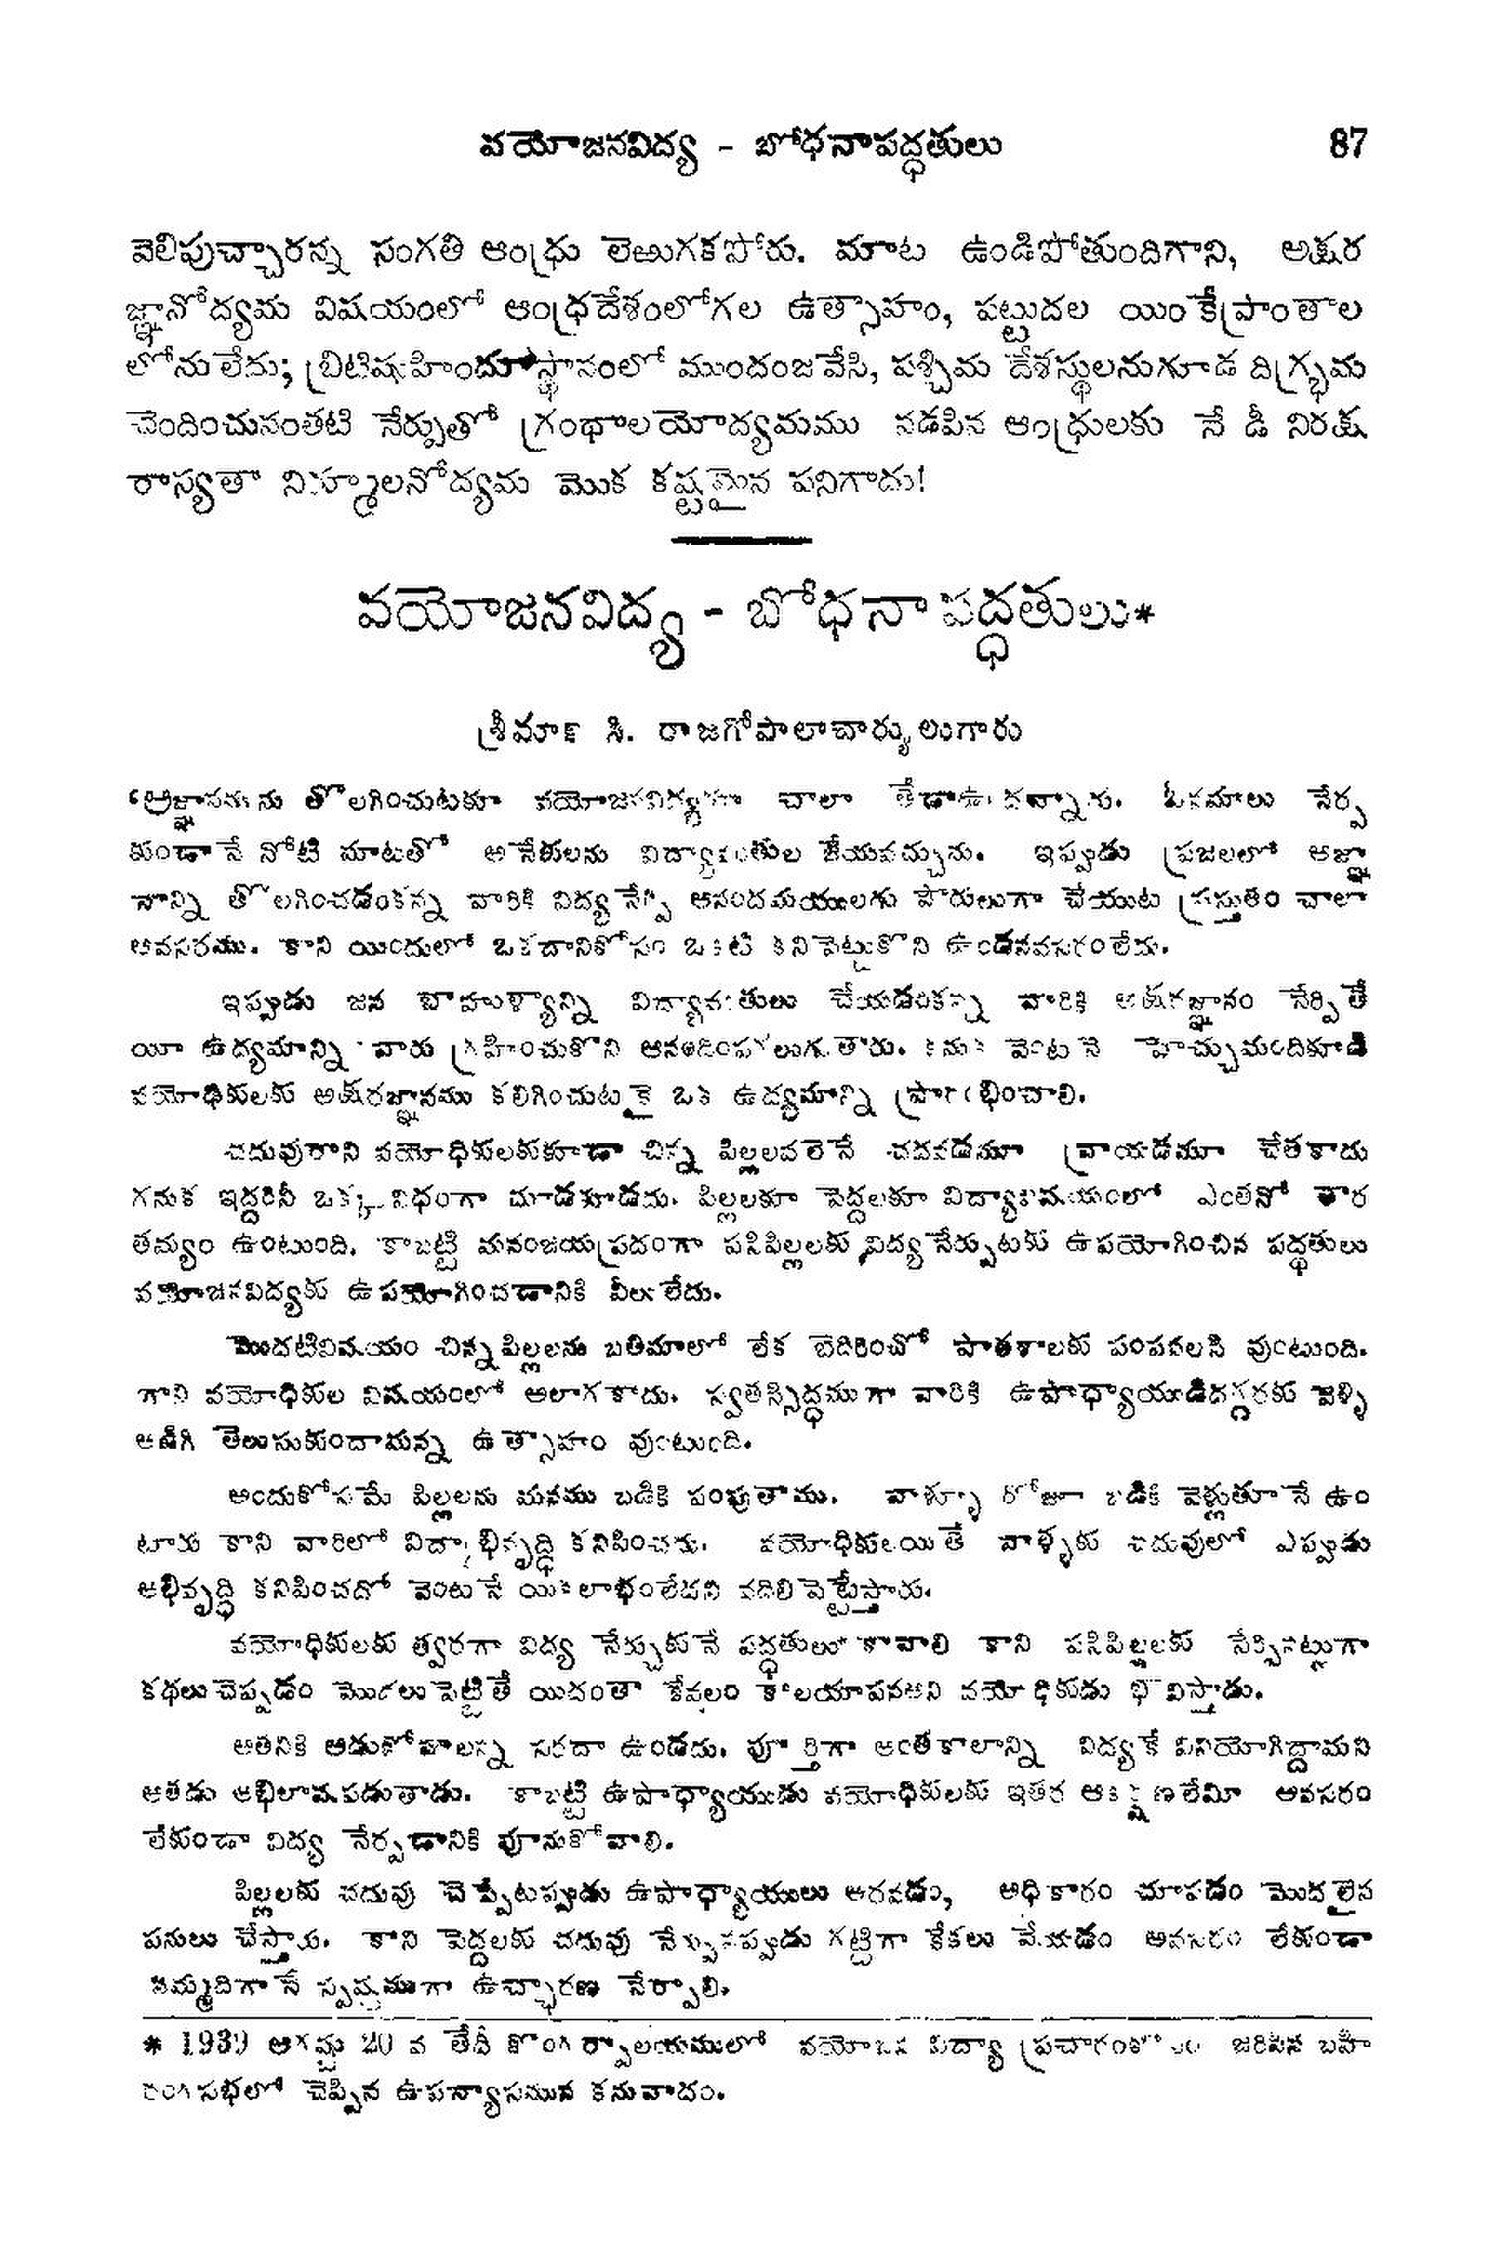వెలిపుచ్చారన్న సంగతి ఆంధ్రు లెఱుగకపోరు. మాట ఉండిపోతుందిగాని, అక్షర జ్ఞానోద్యమ విషయంలో ఆంధ్రదేశంలోగల 
ఉత్సాహం, పట్టుదల యింకే ప్రాంతాల లోను లేదు; బ్రిటిష హిందూ స్థానంలో ముందంజవేసి, పశ్చిమ దేశస్థులనుగూడ 
దిగ్భ్రామ చెందించునంతటి నేర్పుతో గ్రంథాలయోద్యమము నడపిన ఆంధ్రులకు నే డీ నిరక్షరాస్యతా నిర్ములానోద్యమ మొక 
కష్టమైన పనిగాదు!

అజ్ఞానమును తొలగించుటకూ వయోజనవిద్యకూ చాలా తేడాఉందన్నారు. ఓనమాలు నేర్ప కుండానే నోటి మాటతో 
అనేకులను విద్యావంతుల జేయవచ్చును. ఇప్పుడు ప్రజలలో ఆజ్ఞానాన్ని తొలగించడంకన్న వారికి విద్యనేర్పి 
ఆనందమయులగు పౌరులుగా చేయుట ప్రస్తుతం చాలా అవసరము. కాని యిందులో ఒకదానికోసం ఒకటి కనిపెట్టుకొని 
ఉండనవసరంలేదు.

ఇప్పుడు జన బాహుళ్యాన్ని విద్యావంతులు చేయడంకన్నా వారికి అక్షరజ్ఞానం నేర్పితే యీ ఉద్యమాన్ని వారు గ్రహించుకొని ఆనందింపగలుగుతారు. కనుక వెంటనే హెచ్చుమందికూడి వయోధికులకు అక్షరజ్ఞానము కలిగించుటకై ఒక ఉద్యమాన్ని 
ప్రారంభించాలి.

చదువురాని వయోధికులకుకూడా చిన్న పిల్లలవలెనే చదవడమూ వ్రాయడమూ చేతకాదు గనుక ఇద్దరినీ ఒక్క విధంగా 
చూడకూడదు. పిల్లలకూ పెద్దలకూ విద్యావిషయంలో ఎంతనో తారతమ్యం ఉంటుంది. కాబట్టి మనంజయప్రదంగా 
పసిపిల్లలకు విద్య నేర్పుటకు ఉపయోగించిన పద్ధతులు వయోజనవిద్యకు ఉపయోగించడానికి వీలు లేదు.

మొదటి విషయం చిన్నపిల్లలను బతిమాలో లేక బెదిరించో పాఠశాలకు పంపవలసి వుంటుంది. గాని వయోధికుల విషయంలో 
అలాగ కాదు. స్వతస్సిద్ధముగా వారికి ఉపాధ్యాయుడిదగ్గరకు వెళ్ళి ఆడిగి తెలుసుకుందామన్న ఉత్సాహం వుంటుంది.

అందుకోసమే పిల్లలను మనము బడికి పంపుతాము. వాళ్ళూ రోజూ బడికి వెళ్లుతూనే ఉంటారు కానీ వారిలో విద్యాభివృద్ధి 
కనిపించదు. వయోధికులయితే వాళ్ళకు చదువులో ఎప్పుడు అభివృద్ధి కనిపించదో వెంటనే యిం లాభంలేదని 
వదిలిపెట్టేస్తారు.

వయోధికులకు త్వరగా విద్య నేర్చుకునే పద్ధతులు కావాలి కాని పసిపిల్లలకు సేర్పినట్లుగా కథలుచెప్పడం మొదలుపెట్టితే 
యిదంతా కేవలం కాలయాపనఅని వయోధికుడు భావిస్తాడు.

అతనికి ఆడుకోవాలన్న సరదా ఉండదు. పూర్తిగా అంతకాలాన్ని విద్యకే వినియోగిద్దామని అతడు అభిలానపడుతాడు. 
కాబట్టి ఉపాధ్యాయుడు వయోధికులకు ఇతర ఆకర్షణలేమీ అవసరం లేకుండా విద్య నేర్పడానికి పూనుకోవాలి.

పిల్లలకు చదువు చెప్పేటప్పుడు ఉపాధ్యాయులు అరవడం, అధికారం చూపడం మొదలైన పనులు చేస్తారు. కాని పెద్దలకు 
చదువు నేర్పునప్పుడు గట్టిగా కేకలు వేయడం అవసరం లేకుండా సమ్మదిగాసే స్పష్టముగా ఉచ్ఛారణ నేర్పాలి.